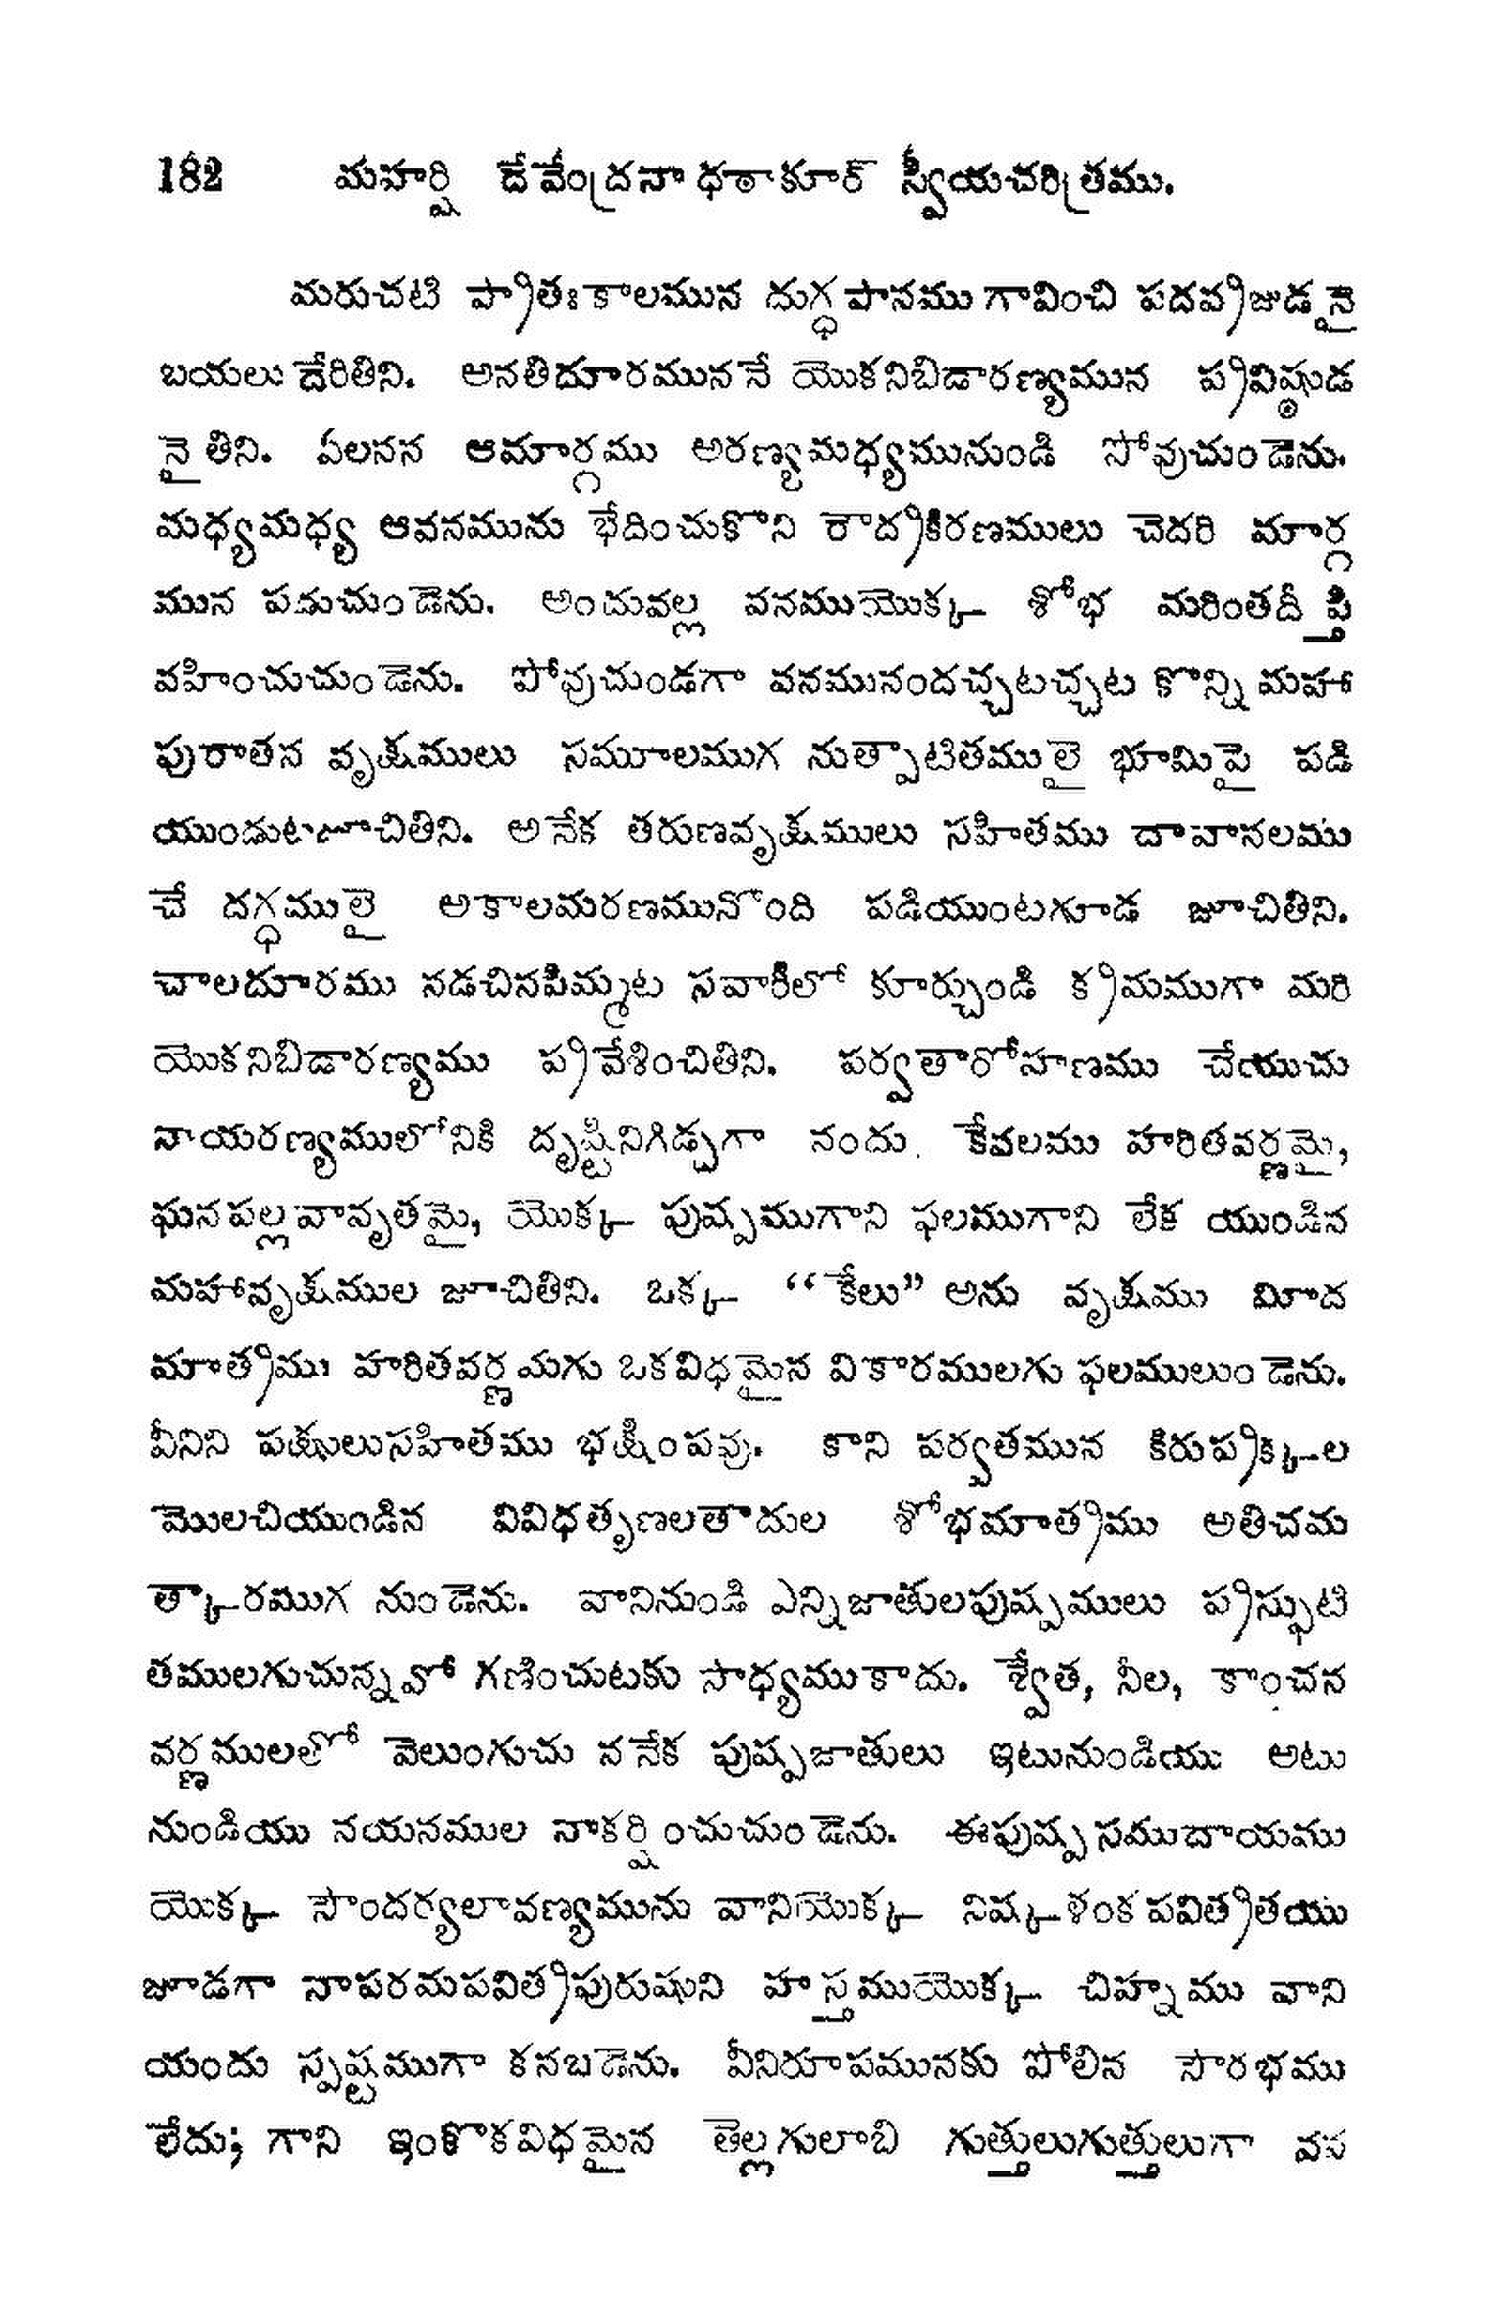మరుచటి పాతః కాలమున దుగ్ధ పానము గావించి పదవ్రజుడ నై
బయలు దేరితిని. అనతిదూరముననే యొక నిబిడారణ్యమున ప్రవిష్ణుడ
నైతిని. ఏలనన ఆమార్గము అరణ్య మధ్యమునుండి పోవుచుండెను.
మధ్య మధ్య ఆవనమును భేదించుకొని రౌద్రకిరణములు చెదరి మార్గ
మున పడుచుండెను. అందువల్ల వనము యొక్క శోభ మరింతదీ ప్తి
వహించుచుండెను. పోవుచుండగా వనమునం దచ్చటచ్చట కొన్ని మహా
పురాతన వృక్షములు సమూలముగ నుత్పాటితము లై భూమిపై పడి
యుండుట జూచితిని. అనేక తరుణ వృక్షములు సహితము దావానలము
చే దగ్ధములై అకాలమరణమునొంది పడియుంటగూడ జూచితిని.
చాలదూరము నడచిన పిమ్మట సవారిలో కూర్చుండి క్రమముగా మరి
యొక నిబిడారణ్యము ప్రవేశించితిని, పర్వతారోహణము చేయుచు
నాయరణ్యము లోనికి దృష్టి నిగిడ్పగా నందు. కేవలము హరితవర్ణమై,
ఘనపల్ల వానృతమై, యొక్క పుష్పము గాని ఫలము గాని లేక యుండిన
మహానృక్షముల జూచితిని. ఒక్క " కేలు” అను వృక్షము మీద
మాత్రము హరితవర్ణ మగు ఒక విధమైన వికారములగు ఫలములుండెను.
వీనిని పక్షులు సహితము భక్షింపవు. కాని పర్వతమున కిరుప్రక్కల
మొలచి యుండిన వివిధ తృణలతాదుల శోభమాత్రము అతిచమ
త్కారముగ నుండెను. వానినుండి ఎన్ని జాతుల పుష్పములు ప్రస్ఫుటి
తములగుచున్నవో గణించుటకు సాధ్యము కాదు. శ్వేత, నీల, కాంచన
వర్ణములతో వెలుంగుచు ననేక పుష్పజాతులు ఇటునుండియు అటు
నుండియు నయనముల నాకర్షించుచుండెను. ఈ పుష్ప సముదాయము
యొక్క సౌందర్యలావణ్యమును వానియొక్క నిష్కళంక పవిత్రతయు
జూడగా నాపరమ పవిత్ర పురుషుని హస్తము యొక్క చిహ్నము వానియందు
స్పష్టముగా కనబడెను. వీని రూపమునకు పోలిన సౌరభము
లేదు; గాని ఇంకొక విధమైన తెల్ల గులాబి గుత్తులు గుత్తులుగా వస